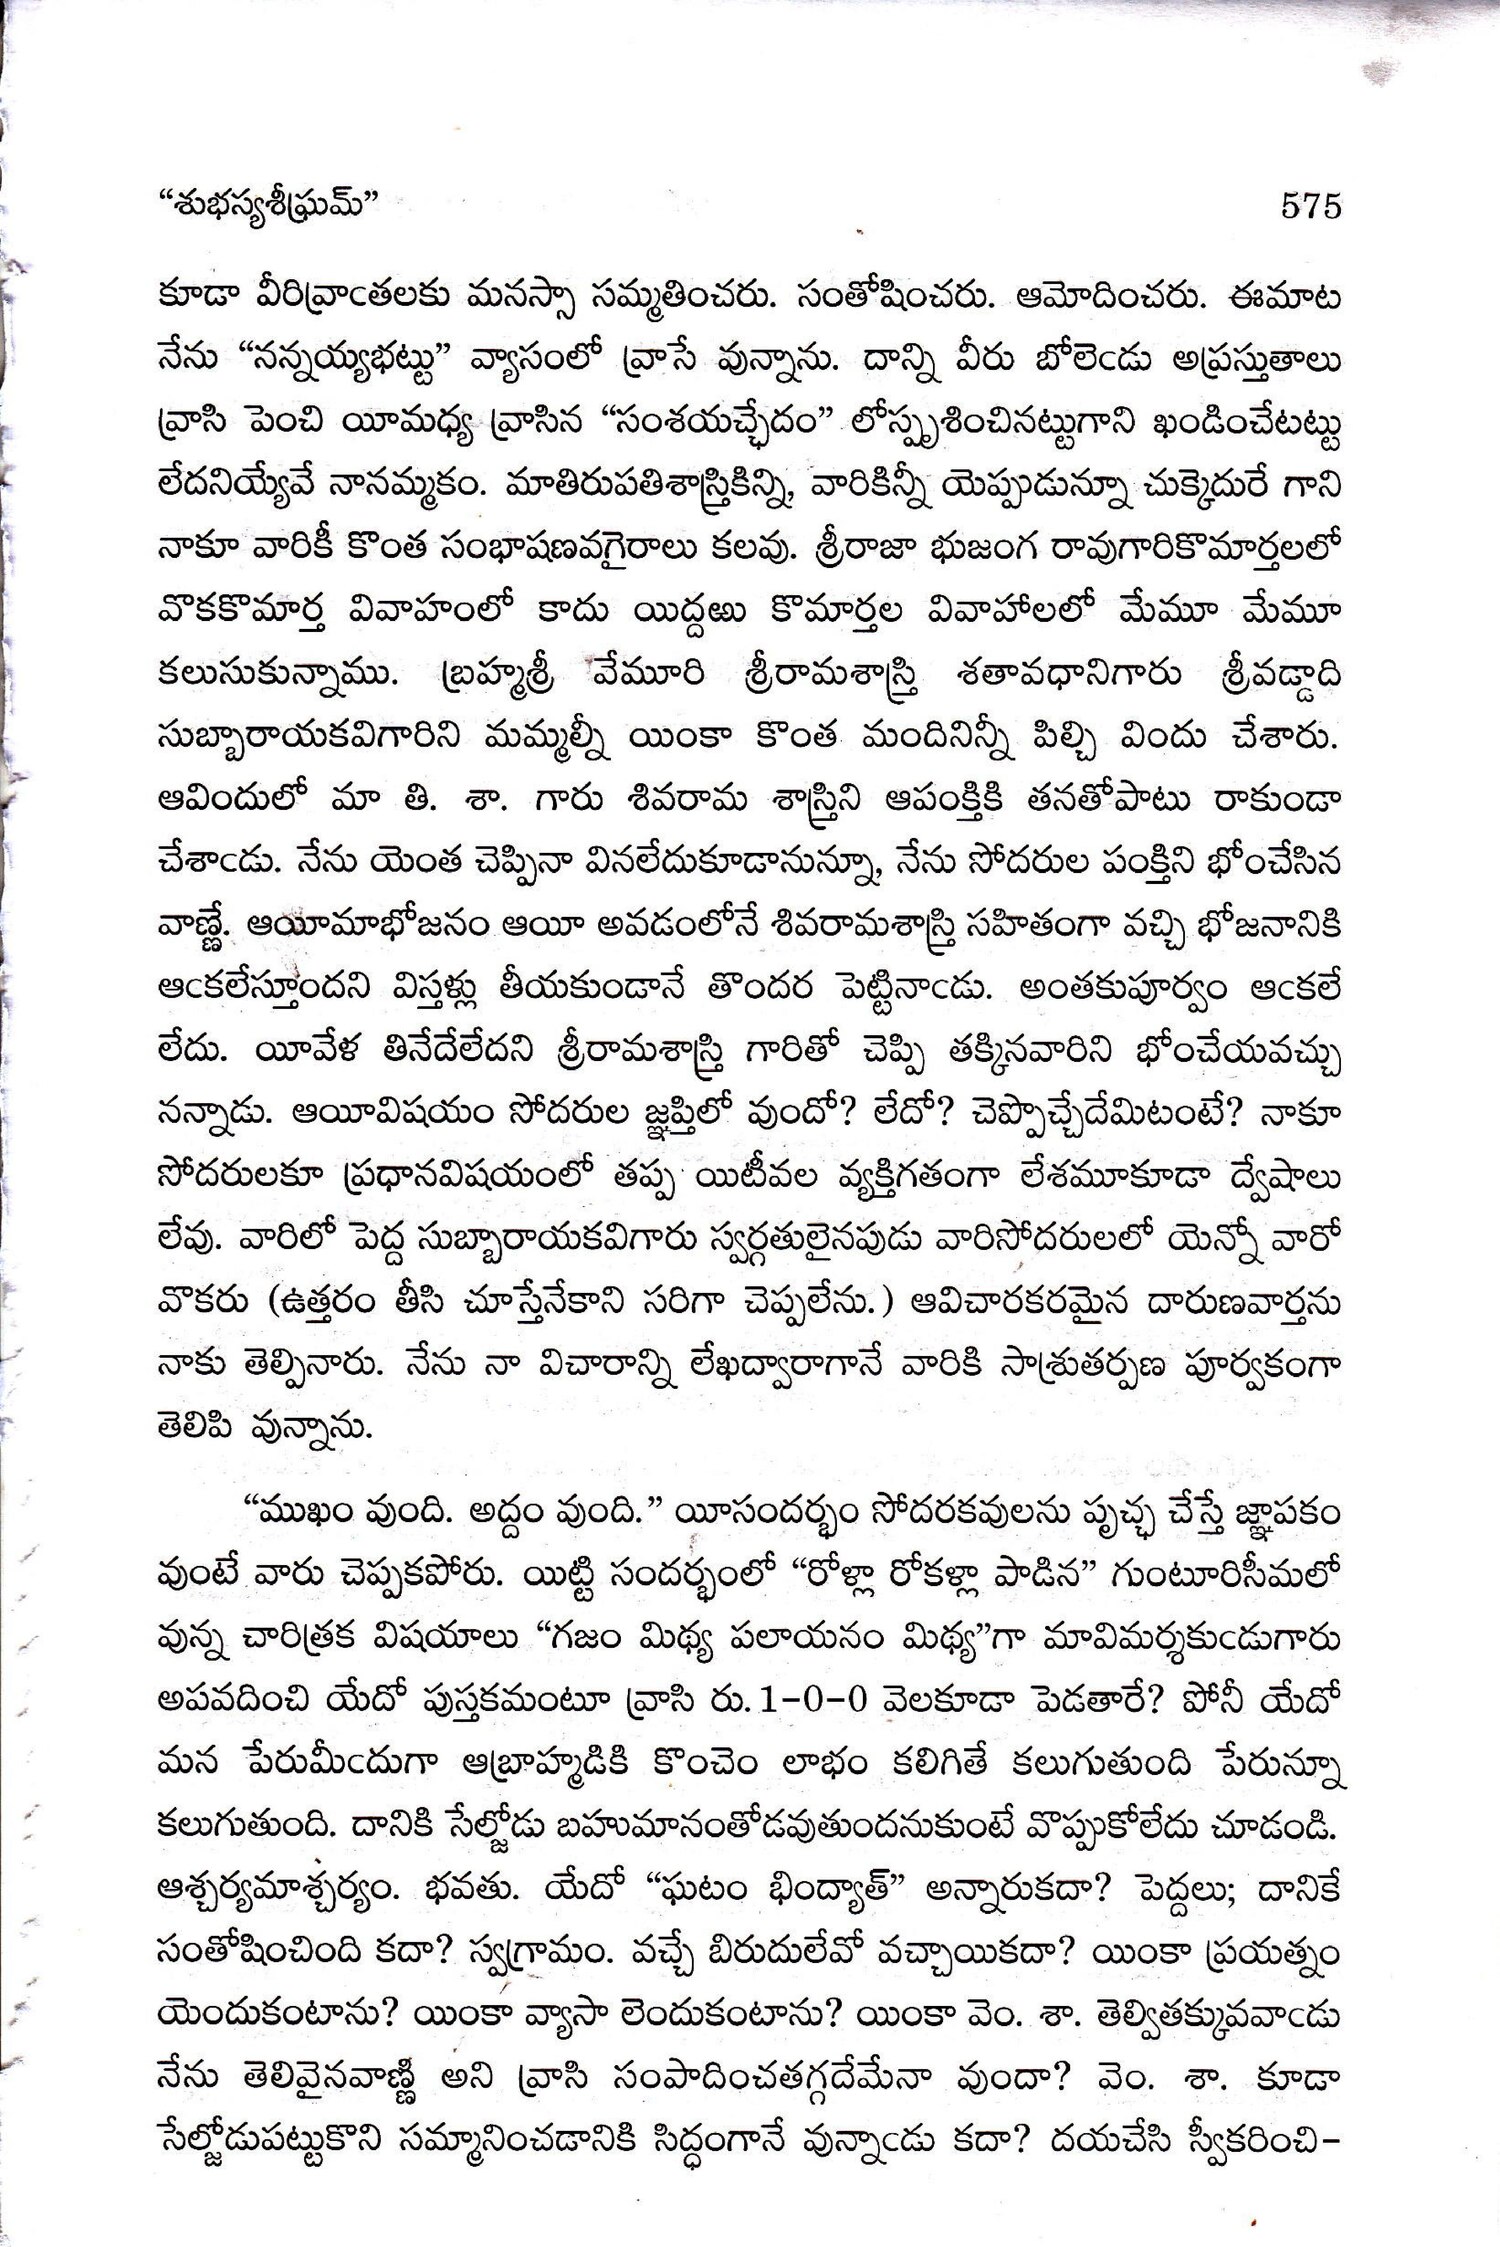కూడా వీరివ్రాఁతలకు మనస్సా సమ్మతించరు. సంతోషించరు. ఆమోదించరు. ఈమాట నేను “నన్నయ్యభట్టు" వ్యాసంలో వ్రాసే వున్నాను. దాన్ని వీరు బోలెఁడు అప్రస్తుతాలు వ్రాసి పెంచి యీమధ్య వ్రాసిన “సంశయచ్ఛేదం" లోస్పృశించినట్టుగాని ఖండించేటట్టు లేదనియ్యేవే నానమ్మకం. మాతిరుపతిశాస్త్రికిన్ని వారికిన్నీ యెప్పుడున్నూ చుక్కెదురే గాని నాకూ వారికీ కొంత సంభాషణవగైరాలు కలవు. శ్రీరాజా భుజంగ రావుగారికొమార్తలలో వొకకొమార్త వివాహంలో కాదు యిద్దఱు కొమార్తల వివాహాలలో మేమూ మేమూ కలుసుకున్నాము. బ్రహ్మశ్రీ వేమూరి శ్రీరామశాస్త్రి శతావధానిగారు శ్రీవడ్డాది సుబ్బారాయకవిగారిని మమ్మల్నీ యింకా కొంత మందినిన్నీ పిల్చి విందు చేశారు. ఆవిందులో మా తి. శా. గారు శివరామ శాస్త్రిని ఆపంక్తికి తనతోపాటు రాకుండా చేశాఁడు. నేను యెంత చెప్పినా వినలేదుకూడానున్నూ నేను సోదరుల పంక్తిని భోంచేసిన వాణ్ణే. ఆయీమాభోజనం ఆయీ అవడంలోనే శివరామశాస్త్రి సహితంగా వచ్చి భోజనానికి ఆఁకలేస్తూందని విస్తళ్లు తీయకుండానే తొందర పెట్టినాఁడు. అంతకుపూర్వం ఆఁకలే లేదు. యీవేళ తినేదేలేదని శ్రీరామశాస్త్రి గారితో చెప్పి తక్కినవారిని భోంచేయవచ్చు నన్నాడు. ఆయీవిషయం సోదరుల జ్ఞప్తిలో వుందో? లేదో? చెప్పొచ్చేదేమిటంటే? నాకూ సోదరులకూ ప్రధానవిషయంలో తప్ప యిటీవల వ్యక్తిగతంగా లేశమూకూడా ద్వేషాలు లేవు. వారిలో పెద్ద సుబ్బారాయకవిగారు స్వర్గతులైనపుడు వారిసోదరులలో యెన్నో వారో వొకరు (ఉత్తరం తీసి చూస్తేనేకాని సరిగా చెప్పలేను.) ఆవిచారకరమైన దారుణవార్తను నాకు తెల్పినారు. నేను నా విచారాన్ని లేఖద్వారాగానే వారికి సాశ్రుతర్పణ పూర్వకంగా తెలిపి వున్నాను. -

“ముఖం వుంది. అద్దం వుంది.” యీసందర్భం సోదరకవులను పృచ్ఛ చేస్తే జ్ఞాపకం వుంటే వారు చెప్పకపోరు. యిట్టి సందర్భంలో "రోళ్లా రోకళ్లా పాడిన" గుంటూరిసీమలో వున్న చారిత్రక విషయాలు "గజం మిథ్య పలాయనం మిథ్య"గా మావిమర్శకుఁడుగారు అపవదించి యేదో పుస్తకమంటూ వ్రాసి రు.1-0–0 వెలకూడా పెడతారే? పోనీ యేదో మన పేరుమీఁదుగా ఆబ్రాహ్మడికి కొంచెం లాభం కలిగితే కలుగుతుంది పేరున్నూ కలుగుతుంది. దానికి సేల్జోడు బహుమానంతోడవుతుందనుకుంటే వొప్పుకోలేదు చూడండి. ఆశ్చర్యమాశ్చర్యం. భవతు. యేదో “ఘటం భింద్యాత్" అన్నారుకదా? పెద్దలు; దానికే సంతోషించింది కదా? స్వగ్రామం. వచ్చే బిరుదులేవో వచ్చాయికదా? యింకా ప్రయత్నం యెందుకంటాను? యింకా వ్యాసా లెందుకంటాను? యింకా వెం. శా. తెల్వితక్కువవాఁడు నేను తెలివైనవాణ్ణి అని వ్రాసి సంపాదించతగ్గదేమేనా వుందా? వెం. శా. కూడా సేల్జోడుపట్టుకొని సమ్మానించడానికి సిద్ధంగానే వున్నాఁడు కదా? దయచేసి స్వీకరించి